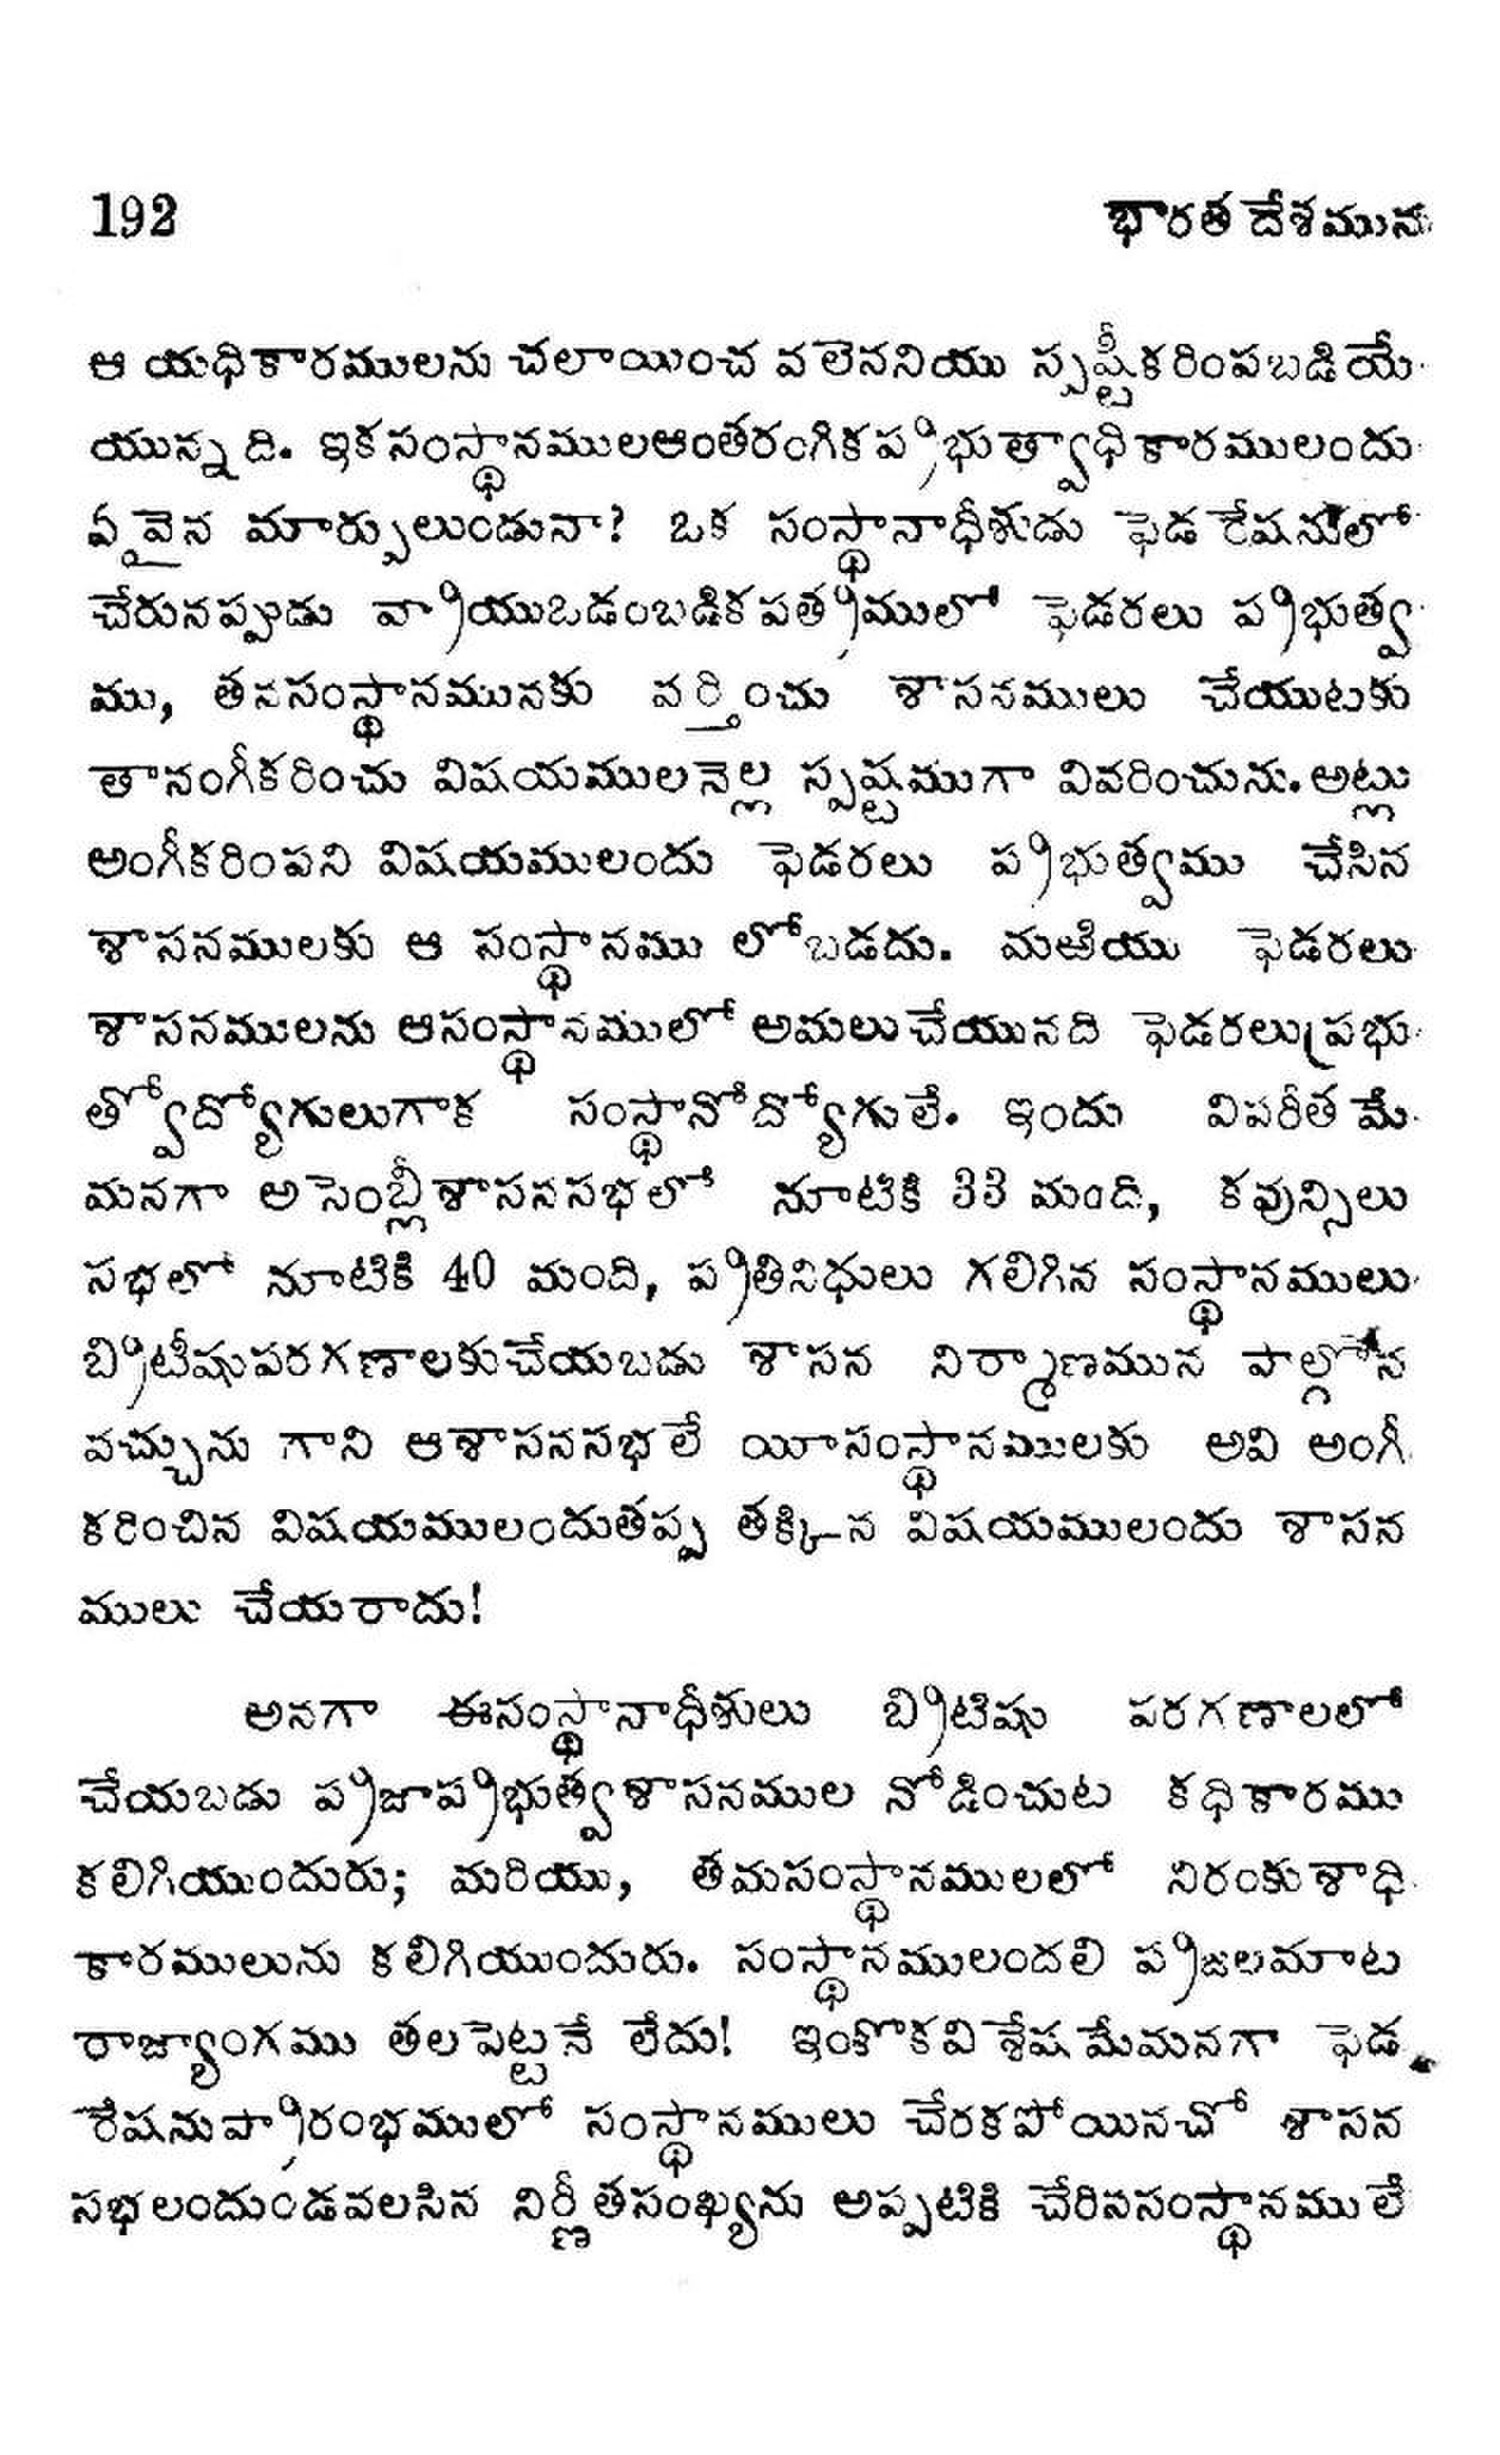ఆ యధికారములను చలాయించవలెననియు స్పష్టీకరింపబడియే యున్నది. ఇక సంస్థానముల ఆంతరంగిక ప్రభుత్వాధికారములందు ఏవైన మార్పులుండునా? ఒక సంస్థానాధీశుడు ఫెడరేషనులో చేరునప్పుడు వ్రాయు ఒడంబడికపత్రములో ఫెడరలు ప్రభుత్వము, తనసంస్థానమునకు వర్తించు శాసనములు చేయుటకు తానంగీకరించు విషయములనెల్ల స్పష్టముగా వివరించును. అట్లు అంగీకరింపని విషయములందు ఫెడరలు ప్రభుత్వము చేసిన శాసనములకు ఆ సంస్థానము లోబడదు. మఱియు ఫెడరలు శాసనములను ఆ సంస్థానములో అమలుచేయునది ఫెడరలుప్రభుత్వోద్యోగులుగాక సంస్థానోద్యోగులే. ఇందు విపరీతమేమనగా అసెంబ్లీశాసనసభలో నూటికి 33 మంది, కవున్సిలు సభలో నూటికి 40 మంది, ప్రతినిధులు గలిగిన సంస్థానములు బ్రిటీషుపరగణాలకుచేయబడు శాసన నిర్మాణమున పాల్గొనవచ్చును గాని ఆశాసనసభలే యీసంస్థానములకు అవి అంగీకరించిన విషయములందుతప్ప తక్కిన విషయములందు శాసనములు చేయరాదు!

అనగా ఈసంస్థానాధీశులు బ్రిటిషు పరగణాలలో చేయబడు ప్రజాప్రభుత్వశాసనముల నోడించుట కధికారము కలిగియుందురు; మరియు, తమసంస్థానములలో నిరంకుశాధికారములును కలిగియుందురు. సంస్థానములందలి ప్రజలమాట రాజ్యాంగము తలపెట్టనే లేదు! ఇంకొకవిశేషమేమనగా ఫెడరేషను ప్రారంభములో సంస్థానములు చేరకపోయినచో శాసనసభలందుండవలసిన నిర్ణీతసంఖ్యను అప్పటికి చేరినసంస్థానములే